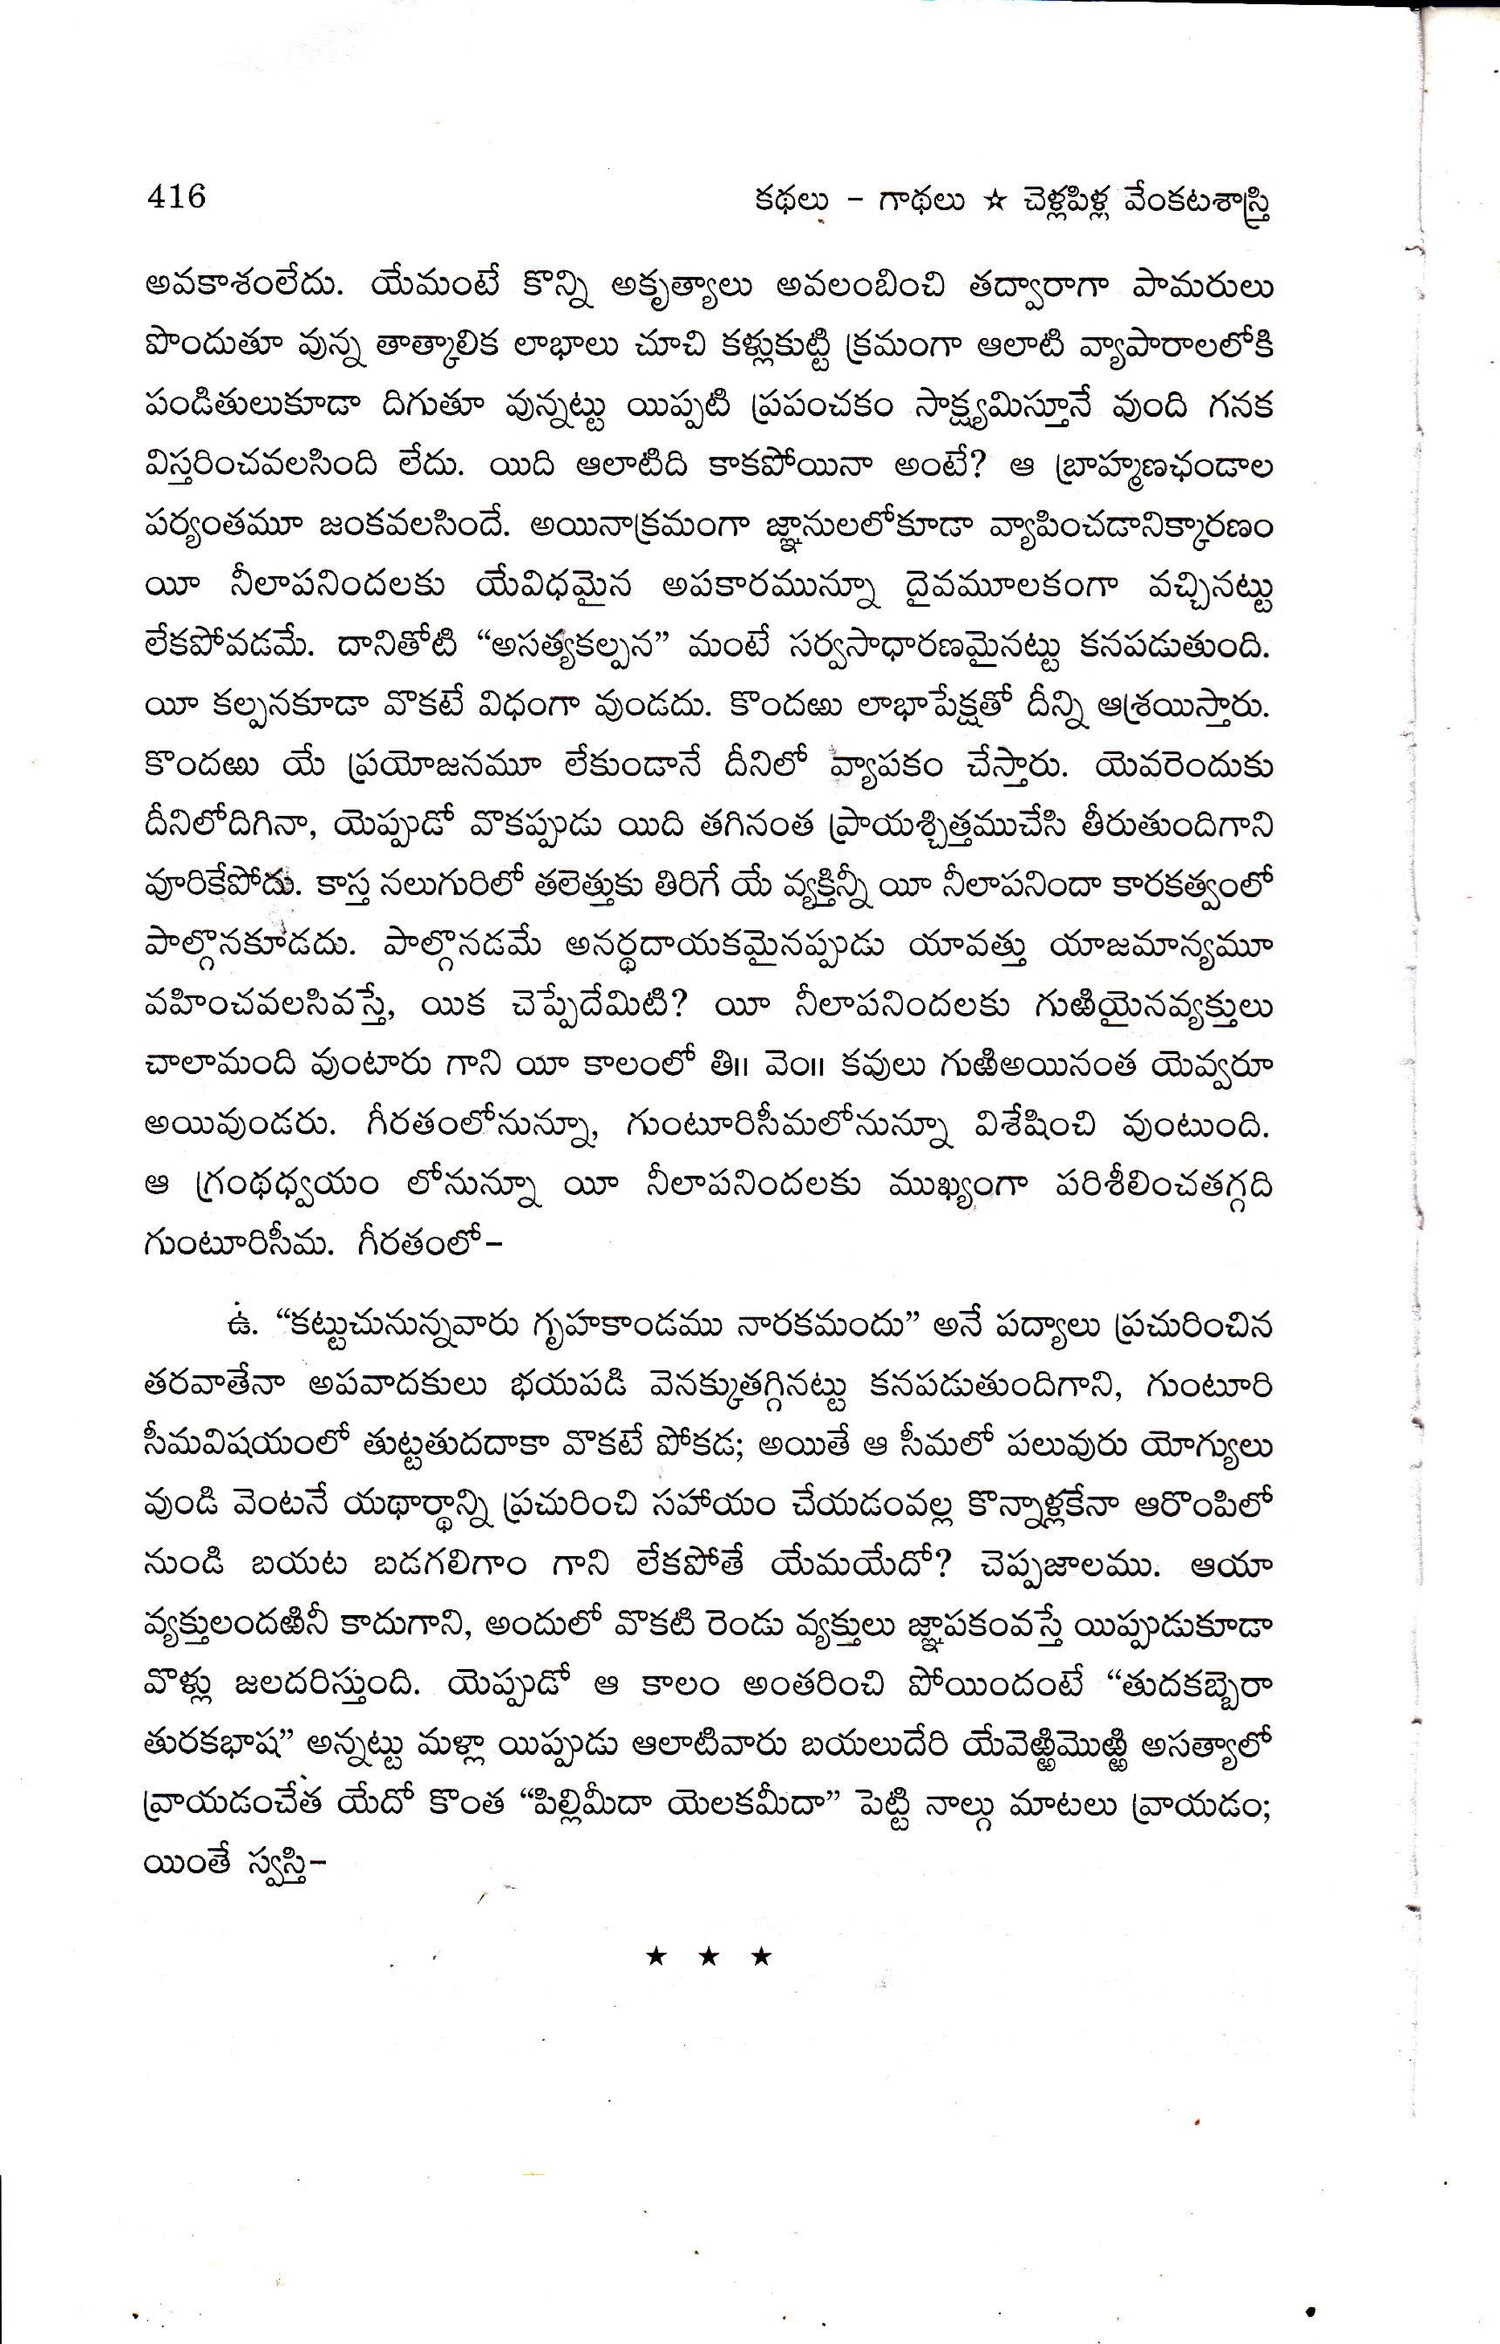అవకాశంలేదు. యేమంటే కొన్ని అకృత్యాలు అవలంబించి తద్వారాగా పామరులు పొందుతూ వున్న తాత్కాలిక లాభాలు చూచి కళ్లుకుట్టి క్రమంగా ఆలాటి వ్యాపారాలలోకి పండితులుకూడా దిగుతూ వున్నట్టు యిప్పటి ప్రపంచకం సాక్ష్యమిస్తూనే వుంది గనక విస్తరించవలసింది లేదు. యిది ఆలాటిది కాకపోయినా అంటే? ఆ బ్రాహ్మణఛండాల పర్యంతమూ జంకవలసిందే. అయినాక్రమంగా జ్ఞానులలోకూడా వ్యాపించడానిక్కారణం యీ నీలాపనిందలకు యేవిధమైన అపకారమున్నూ దైవమూలకంగా వచ్చినట్టు లేకపోవడమే. దానితోటి "అసత్యకల్పన" మంటే సర్వసాధారణమైనట్టు కనపడుతుంది. యీ కల్పనకూడా వొకటే విధంగా వుండదు. కొందఱు లాభాపేక్షతో దీన్ని ఆశ్రయిస్తారు. కొందఱు యే ప్రయోజనమూ లేకుండానే దీనిలో వ్యాపకం చేస్తారు. యెవరెందుకు దీనిలోదిగినా, యెప్పుడో వొకప్పుడు యిది తగినంత ప్రాయశ్చిత్తముచేసి తీరుతుందిగాని వూరికేపోదు. కాస్త నలుగురిలో తలెత్తుకు తిరిగే యే వ్యక్తిన్నీ యీ నీలాపనిందా కారకత్వంలో పాల్గొనకూడదు. పాల్గొనడమే అనర్థదాయకమైనప్పుడు యావత్తు యాజమాన్యమూ వహించవలసివస్తే, యిక చెప్పేదేమిటి? యీ నీలాపనిందలకు గుఱియైనవ్యక్తులు చాలామంది వుంటారు గాని యీ కాలంలో తి|| వెం|| కవులు గుఱిఅయినంత యెవ్వరూ అయివుండరు. గీరతంలోనున్నూ, గుంటూరిసీమలోనున్నూ విశేషించి వుంటుంది. ఆ గ్రంథధ్వయం లోనున్నూ యీ నీలాపనిందలకు ముఖ్యంగా పరిశీలించతగ్గది గుంటూరిసీమ. గీరతంలో

ఉ. "కట్టుచునున్నవారు గృహకాండము నారకమందు" అనే పద్యాలు ప్రచురించిన తరవాతేనా అపవాదకులు భయపడి వెనక్కుతగ్గినట్టు కనపడుతుందిగాని, గుంటూరి సీమవిషయంలో తుట్టతుదదాకా వొకటే పోకడ; అయితే ఆ సీమలో పలువురు యోగ్యులు వుండి వెంటనే యథార్థాన్ని ప్రచురించి సహాయం చేయడంవల్ల కొన్నాళ్లకేనా ఆరొంపిలో నుండి బయట బడగలిగాం గాని లేకపోతే యేమయేదో? చెప్పజాలము. ఆయా వ్యక్తులందఱినీ కాదుగాని, అందులో వొకటి రెండు వ్యక్తులు జ్ఞాపకంవస్తే యిప్పుడుకూడా వొళ్లు జలదరిస్తుంది. యెప్పుడో ఆ కాలం అంతరించి పోయిందంటే "తుదకబ్బెరా తురకభాష" అన్నట్టు మళ్లాయిప్పుడు ఆలాటివారు బయలుదేరి యేవెఱ్ఱిమొఱ్ఱి అసత్యాలో వ్రాయడంచేత యేదో కొంత ‘పిల్లిమీదా యెలకమీదా" పెట్టి నాల్గు మాటలు వ్రాయడం; యింతే స్వస్తి-